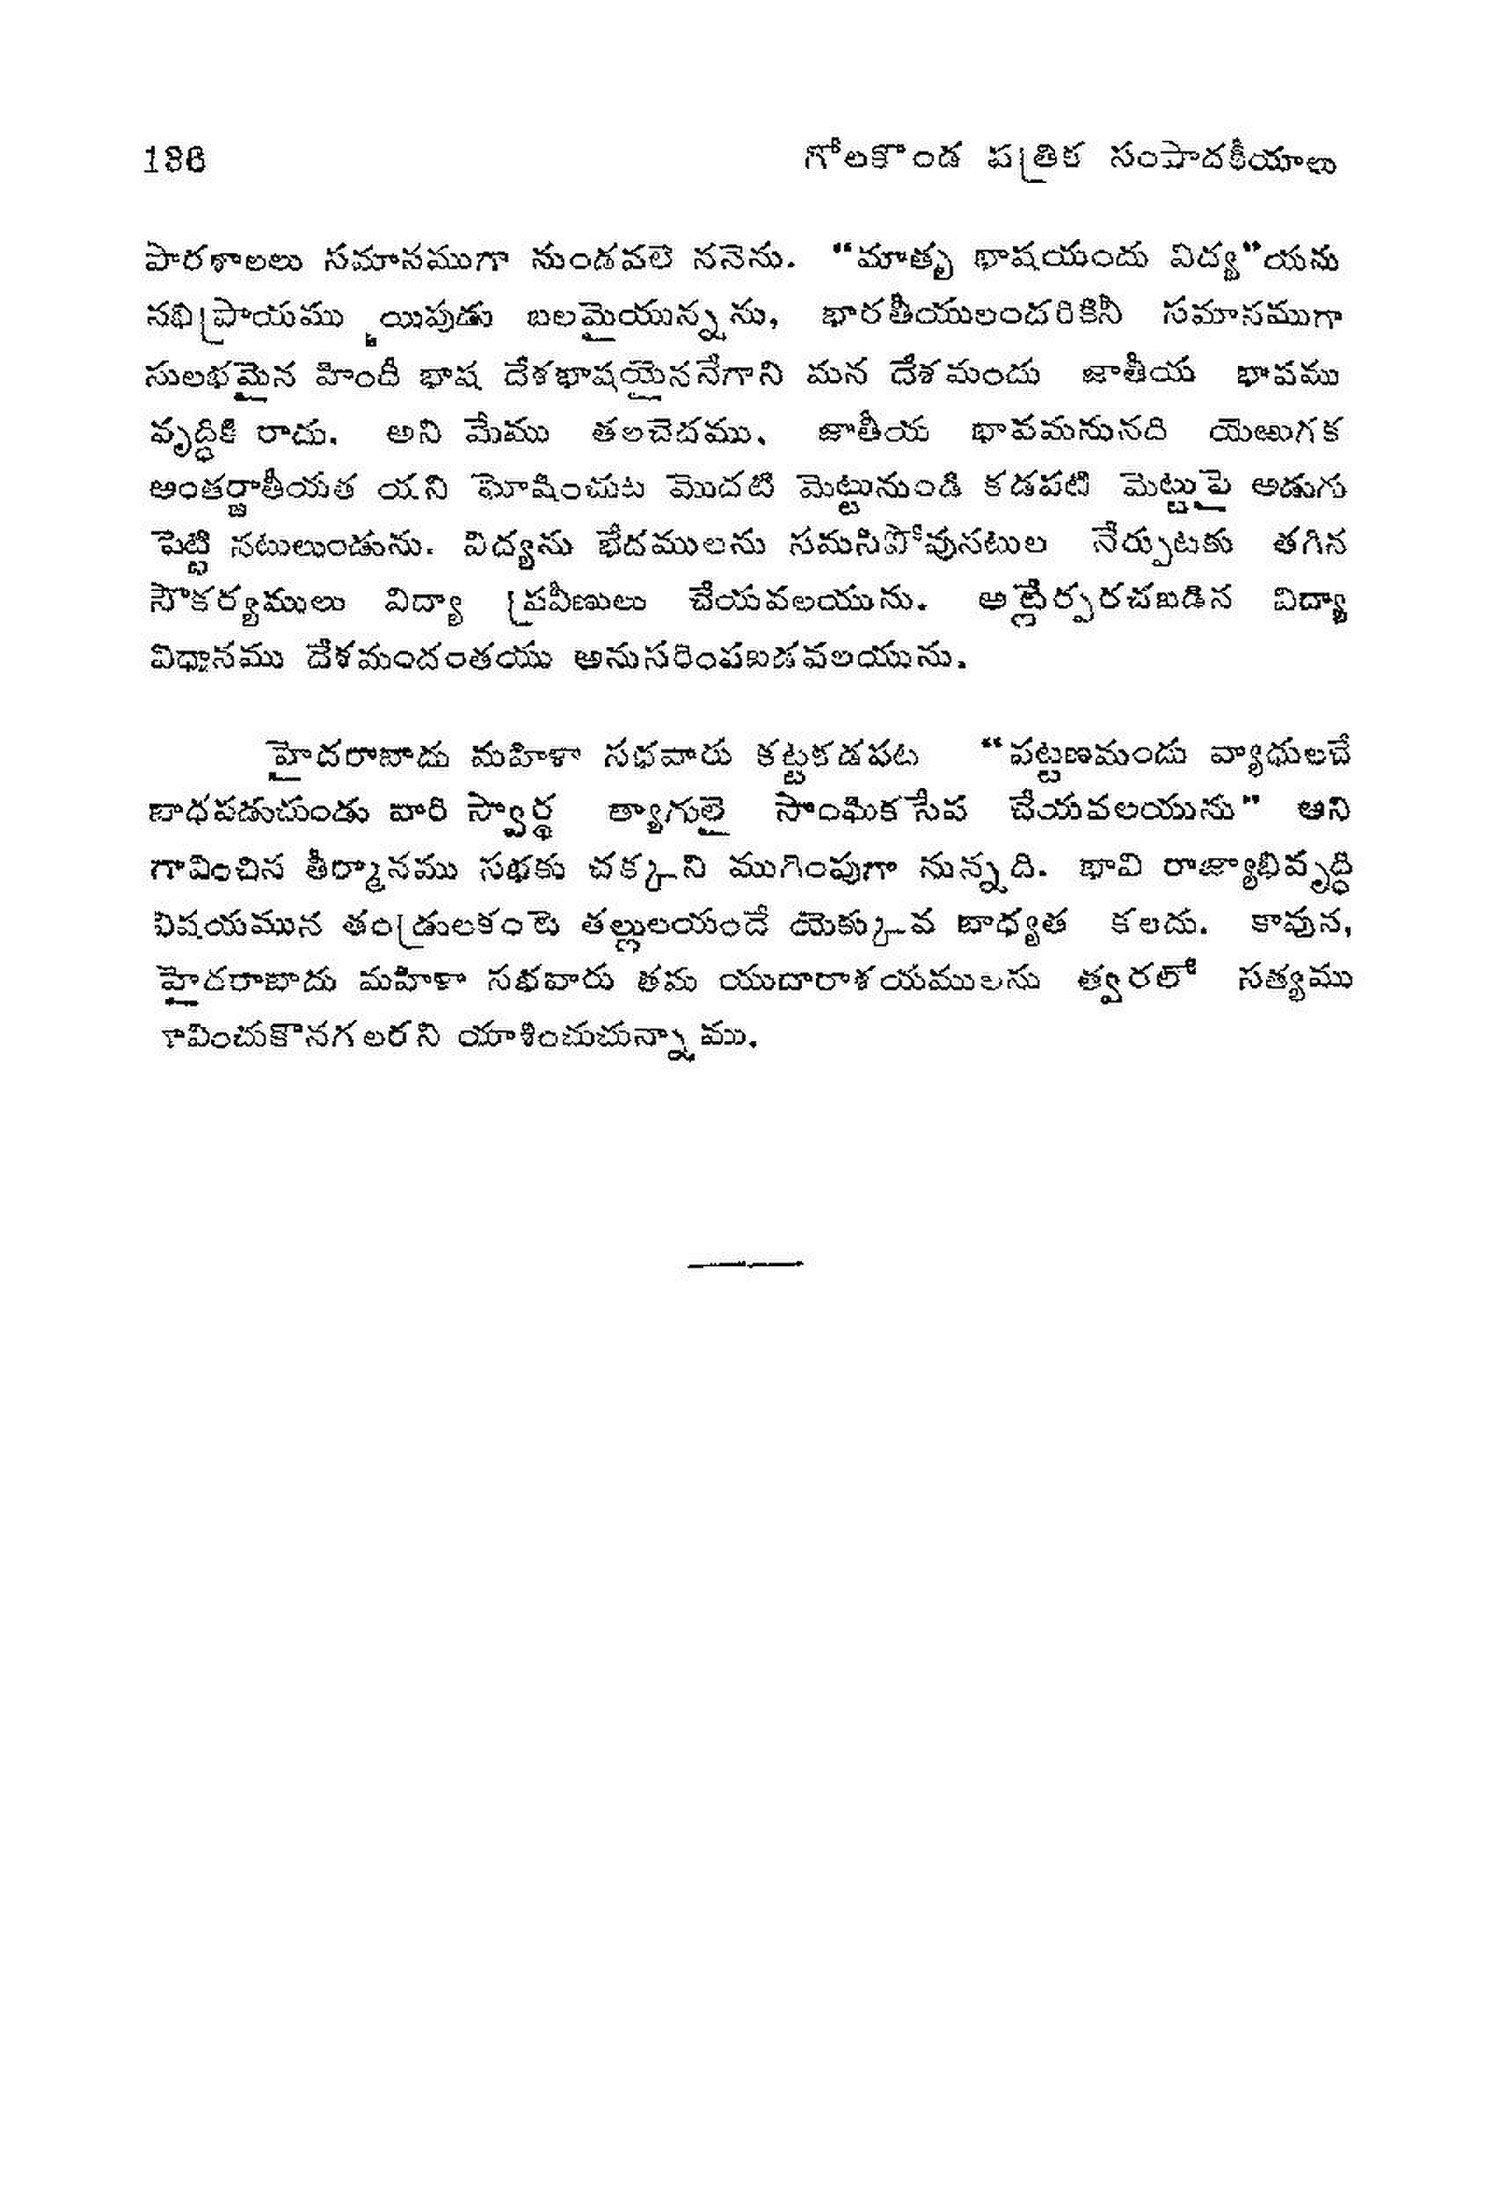పాఠశాలలు సమానముగా నుండవలె ననెను. "మాతృ భాషయందు విద్య"యను నభిప్రాయము యిపుడు బలమైయున్నను, భారతీయులందరికినీ సమానముగా సులభమైన హిందీ భాష దేశభాషయైననేగాని మన దేశమందు జాతీయ భావము వృద్ధికి రాదు. అని మేము తలచెదము, జాతీయ భావమనునది యెఱుగక
అంతర్జాతీయత యని ఘోషించుట మొదటి మెట్టునుండి కడపటి మెట్టుపై అడుగు పెట్టి నటులుండును. విద్యను భేదములను సమసిపోవునటుల నేర్పుటకు తగిన సౌకర్యములు విద్యా ప్రవీణులు చేయవలయును. అట్లేర్పరచబడిన విద్యా విధానము దేశమందంతయు అనుసరింపబడవలయును.

హైదరాబాదు మహిళా సభవారు కట్టకడపట "పట్టణమందు వ్యాధులచే బాధపడుచుండు వారి స్వార్థ త్యాగులై సాంఘికసేవ చేయవలయును" అని గావించిన తీర్మానము సభకు చక్కని ముగింపుగా నున్నది. భావి రాజ్యాభివృద్ధి
విషయమున తండ్రులకంటె తల్లులయందే యెక్కువ బాధ్యత కలదు. కావున, హైదరాబాదు మహిళా సభవారు తమ యుదారాశయములను త్వరలో సత్యము గావించుకొనగలరని యాశించుచున్నాము.